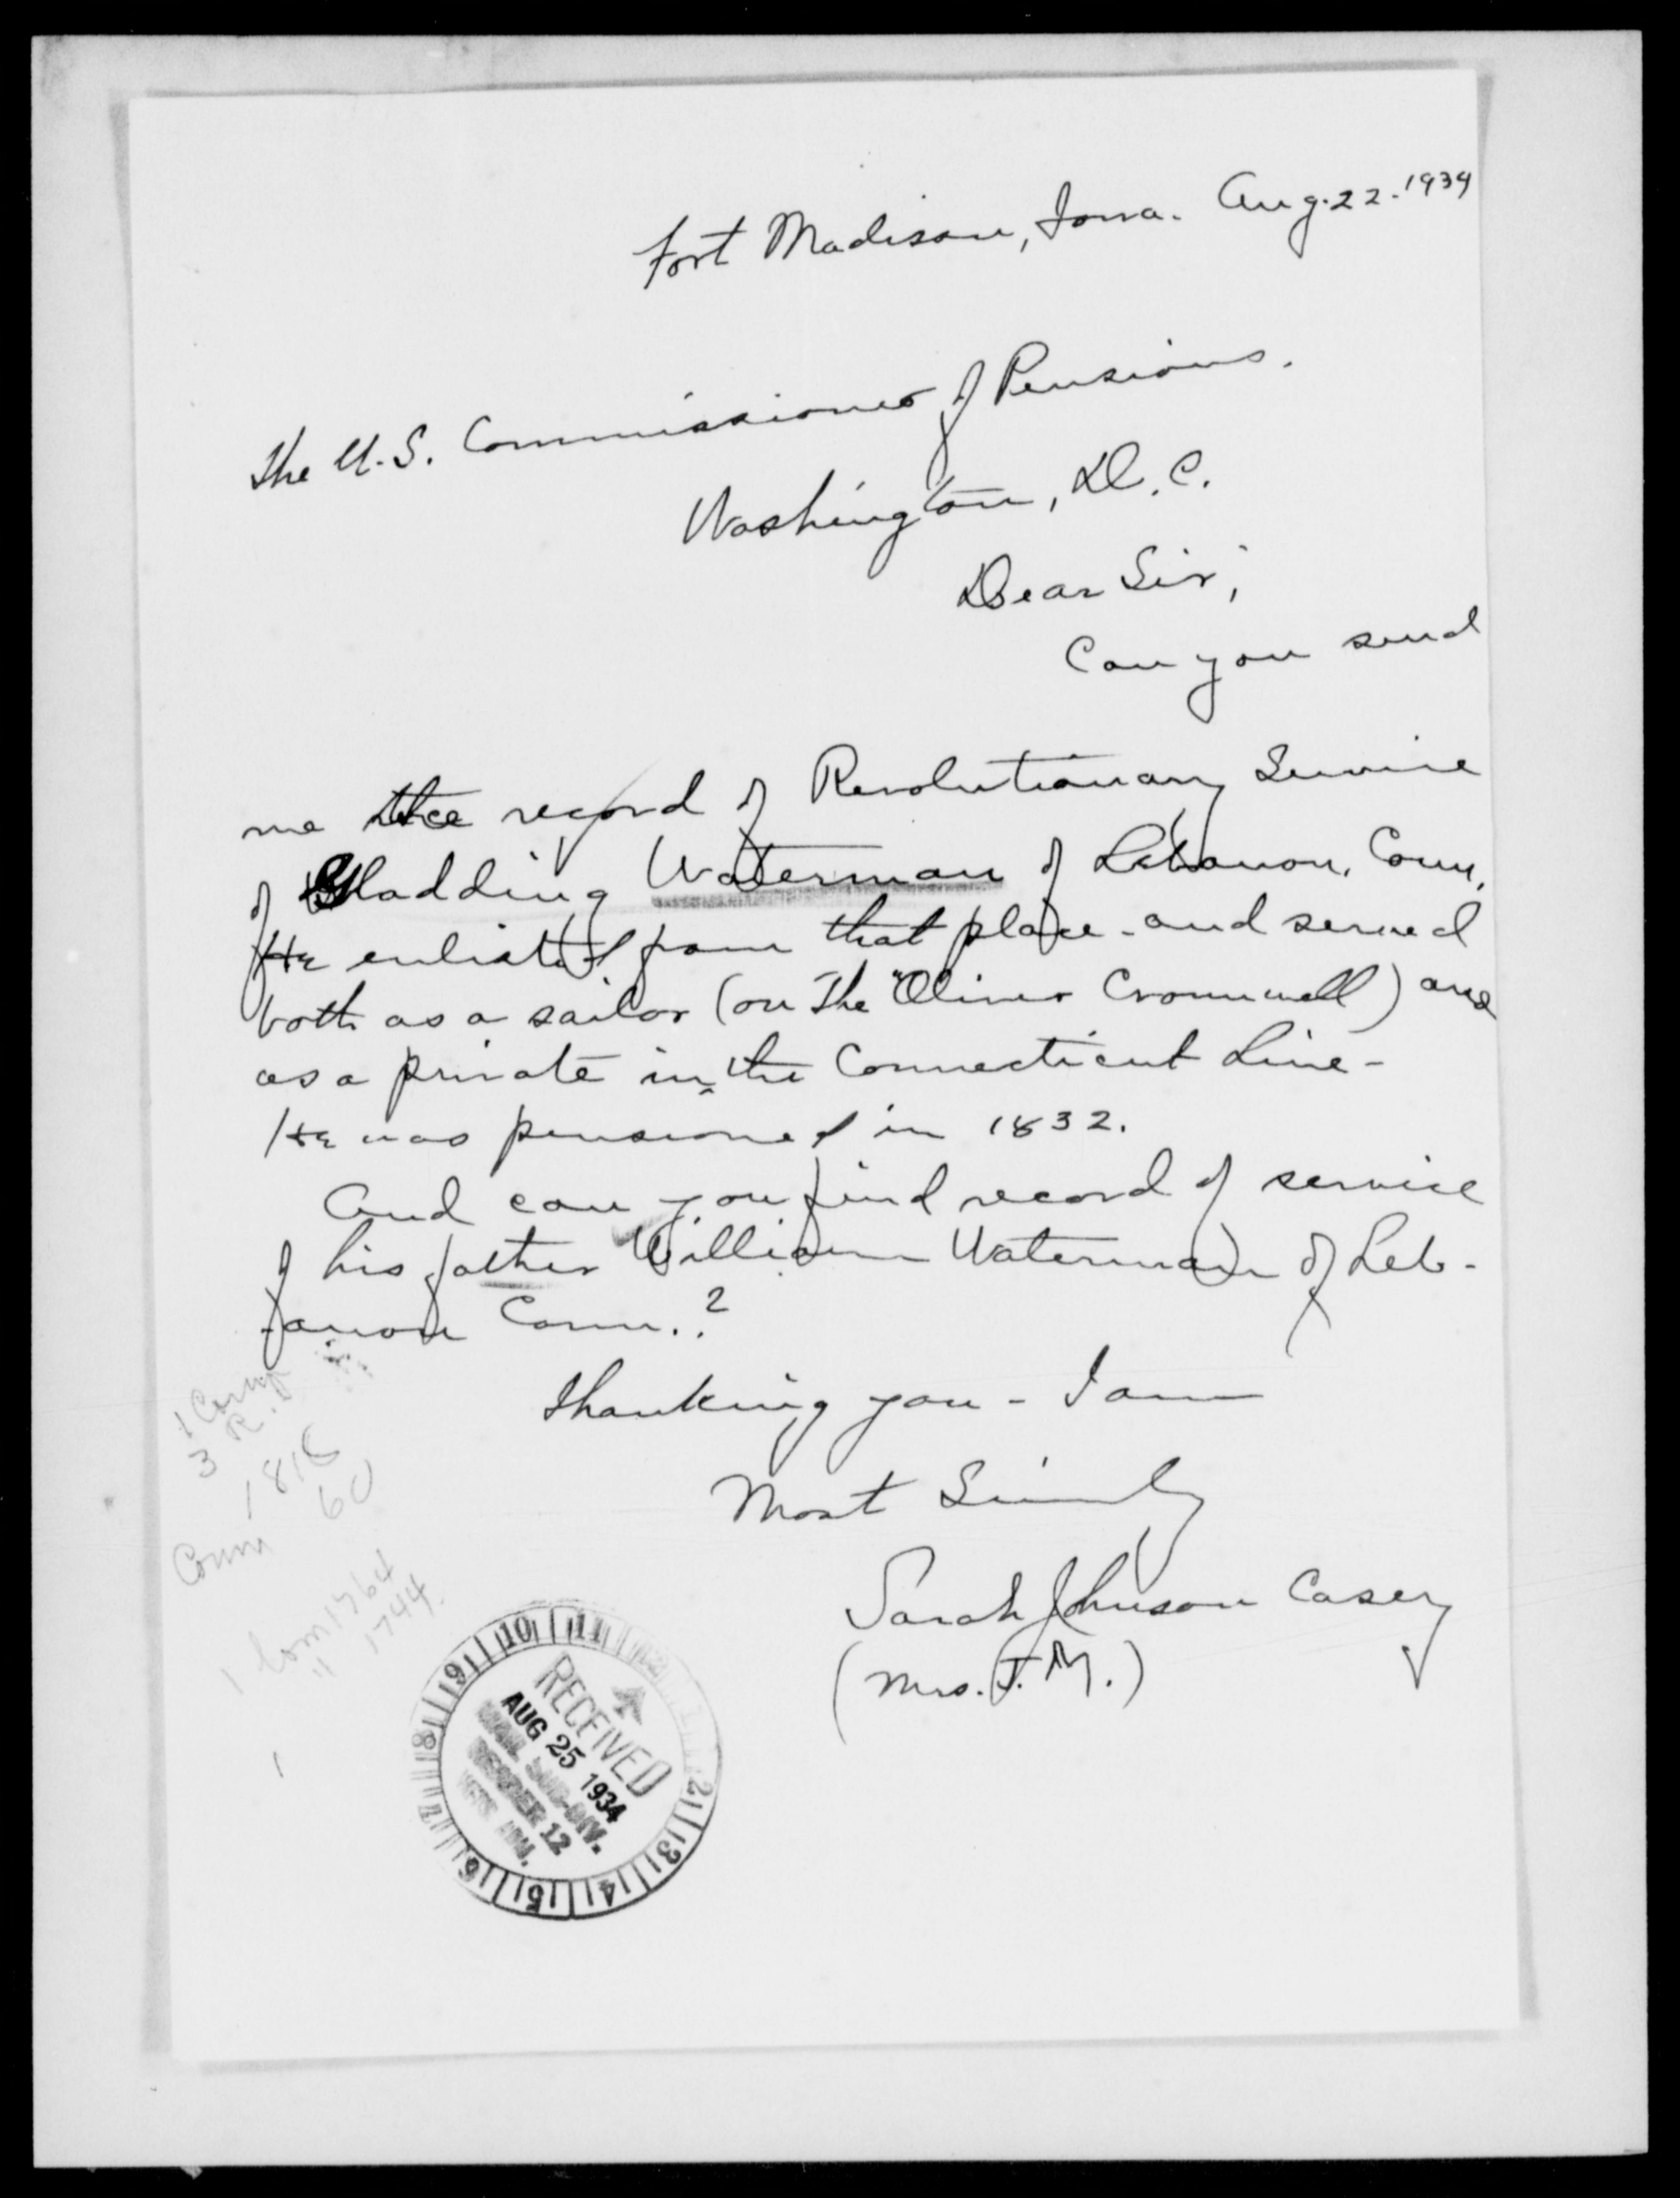Fort Madison, Iowa         Aug 22, 1934

The U.S. Commissioner of Pensions
Washington, D. C.

Dear Sir;
       Can you send me the record of Revolutionary Service of Gladding Waterman of Lebanon, Conn.  He enlisted from that place and serviced both as a sailor (on the Oliver Cromwell) and as a private in the Connecticut Line.
    He was pensioned in 1832. 
     And can you find record of service of his father William Waterman of Lebanon, Conn.?

Thanking you - I am
Most Sincerely,
Sarah Johnson Casey
(Mrs. J. M.)

1 copy
3 R.
1818
Conn    60
1 Com 1764
      "     1744

[stamped] RECEIVED
AUG 25 1934
MAIL SUB-DIV.
[illegible] 12
VETS ADM.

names: Gladding Waterman, William Waterman, Sarah Johnson Casey, Oliver Cromwell, J M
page: 43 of 50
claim: widow's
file: W. 15814, Glading Waterman, Conn. Conn. Sea Service Continental